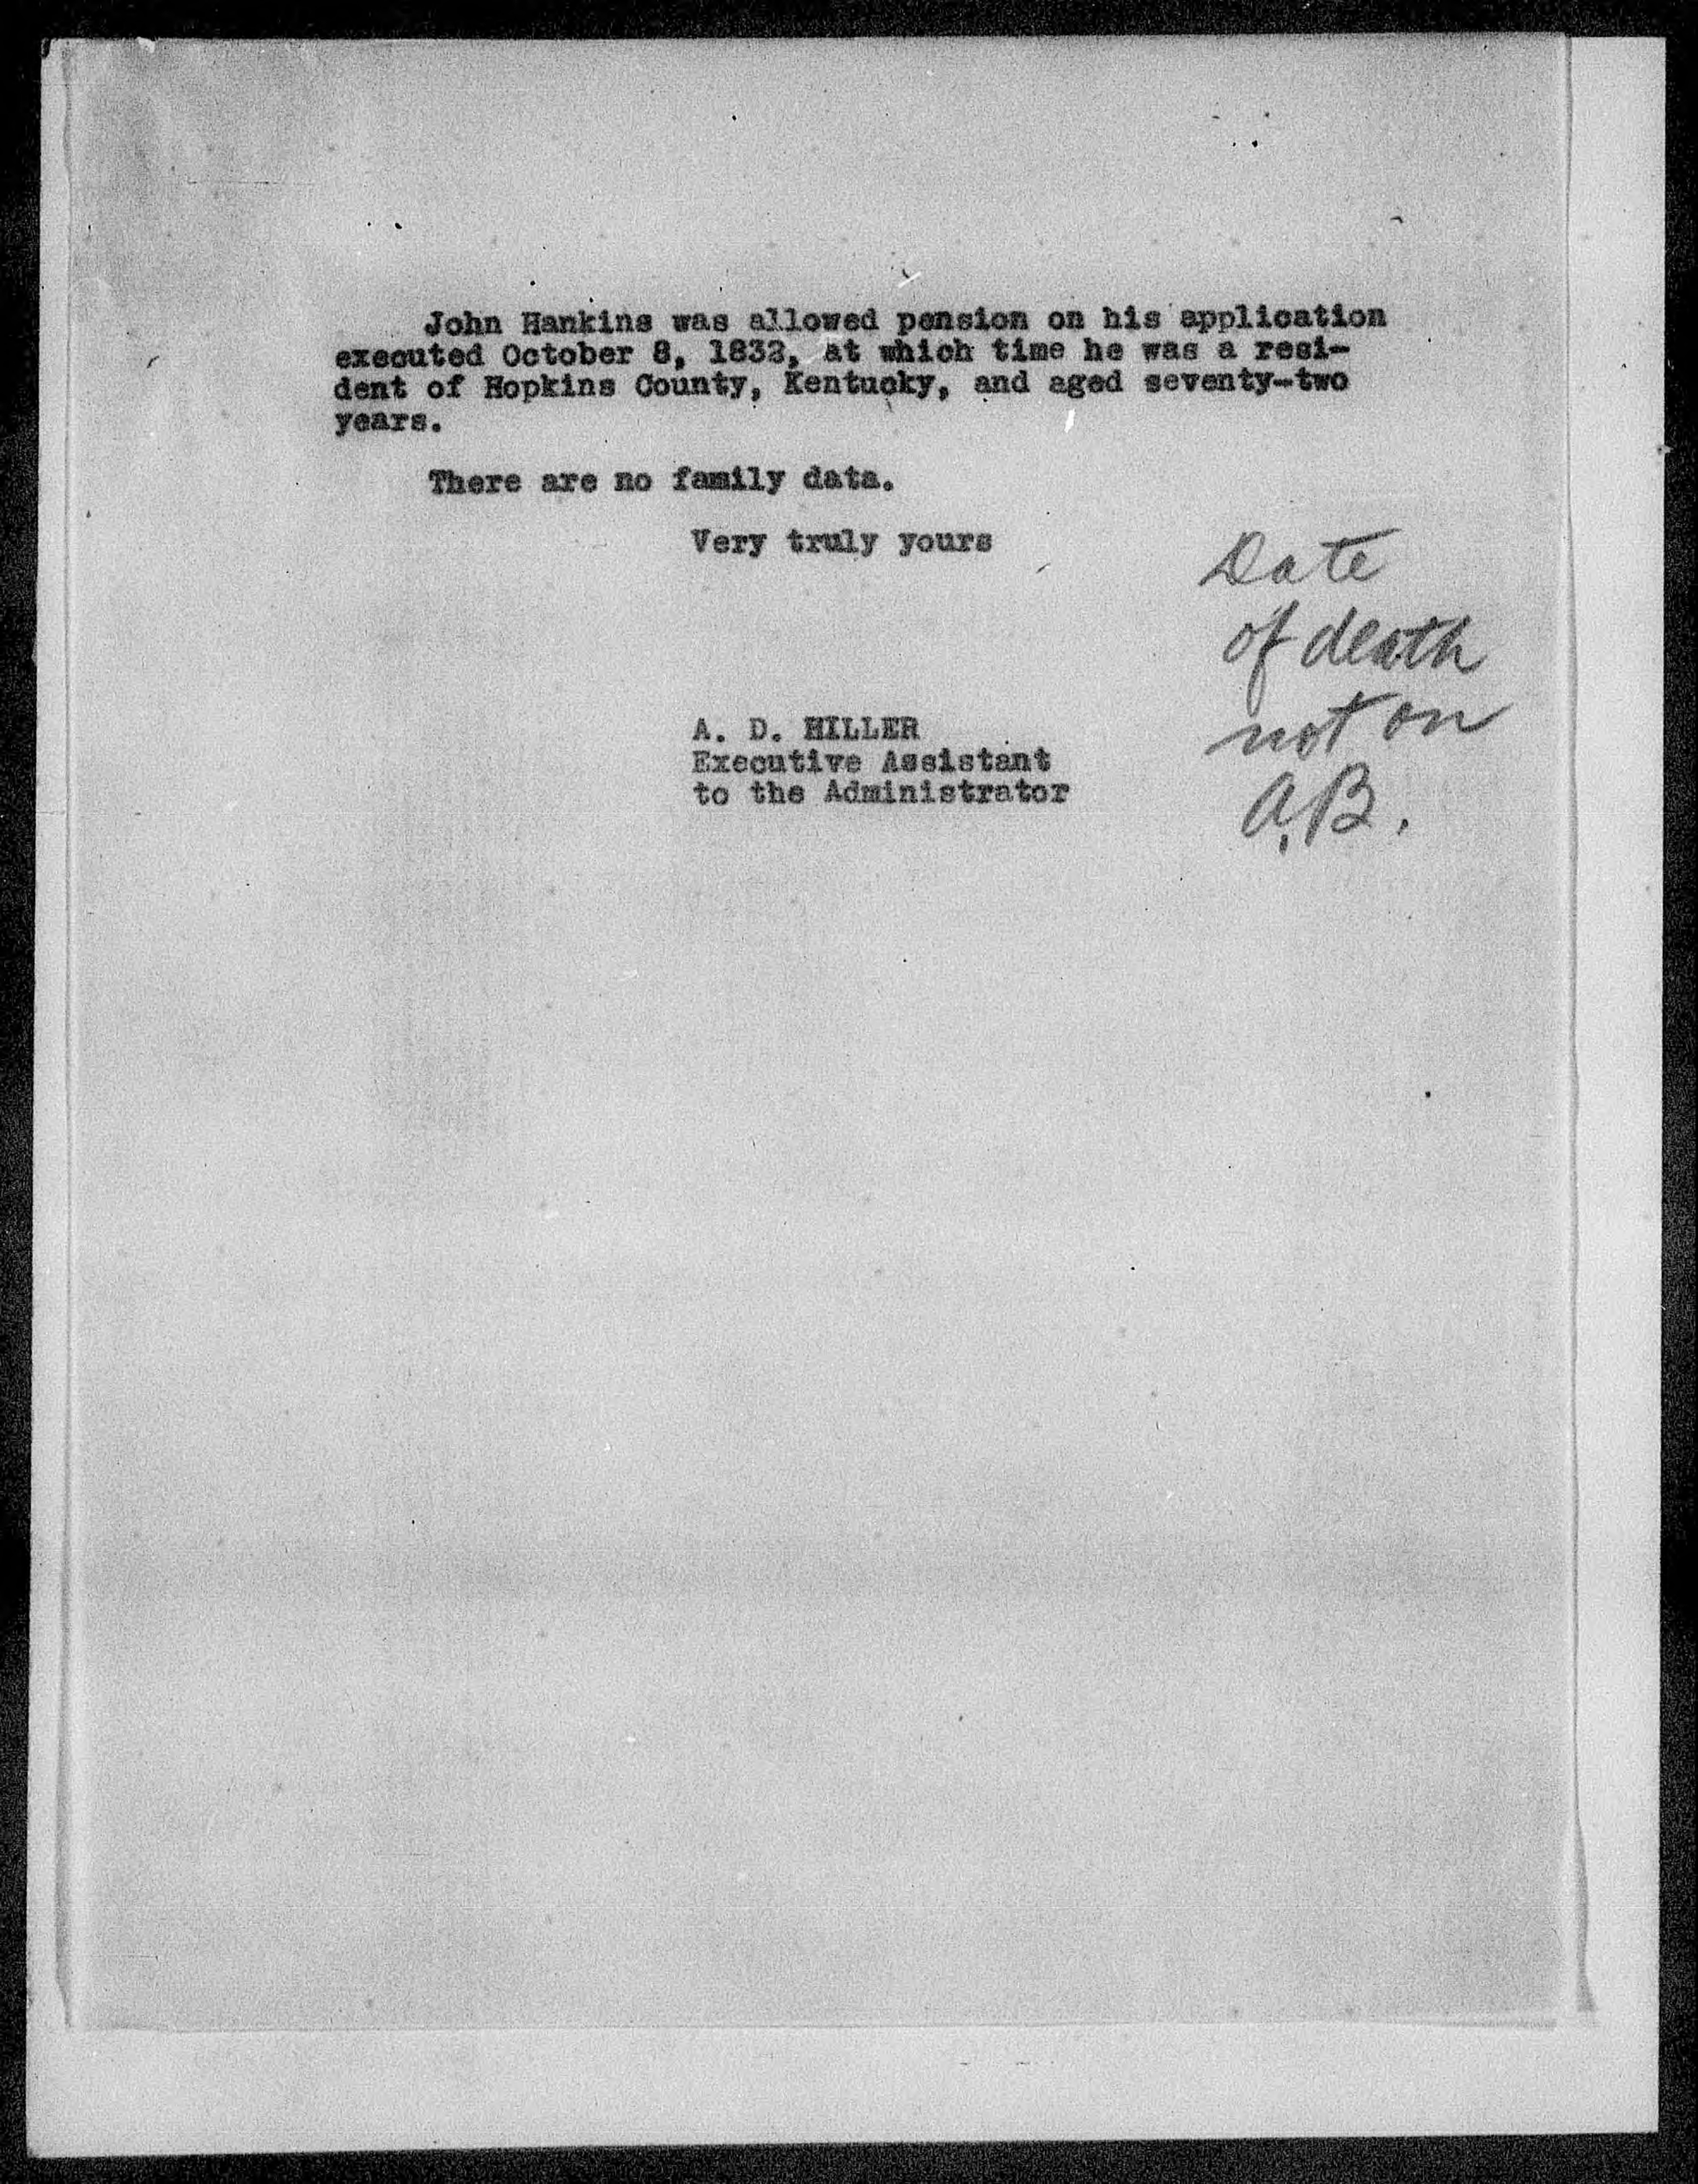John Hankins was allowed pension on his application executed October 8, 1832, at which time he was a resident of Hopkins County, Kentucky, and aged seventy-two years.
There are no family data.
Very truly yours
A. D. HILLER
Executive Assistant
to the Administrator

Date of death not on A.B.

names: A D Hiller, John Hankins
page: 10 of 19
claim: survivor's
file: S. 16404, John Hankins, Va.